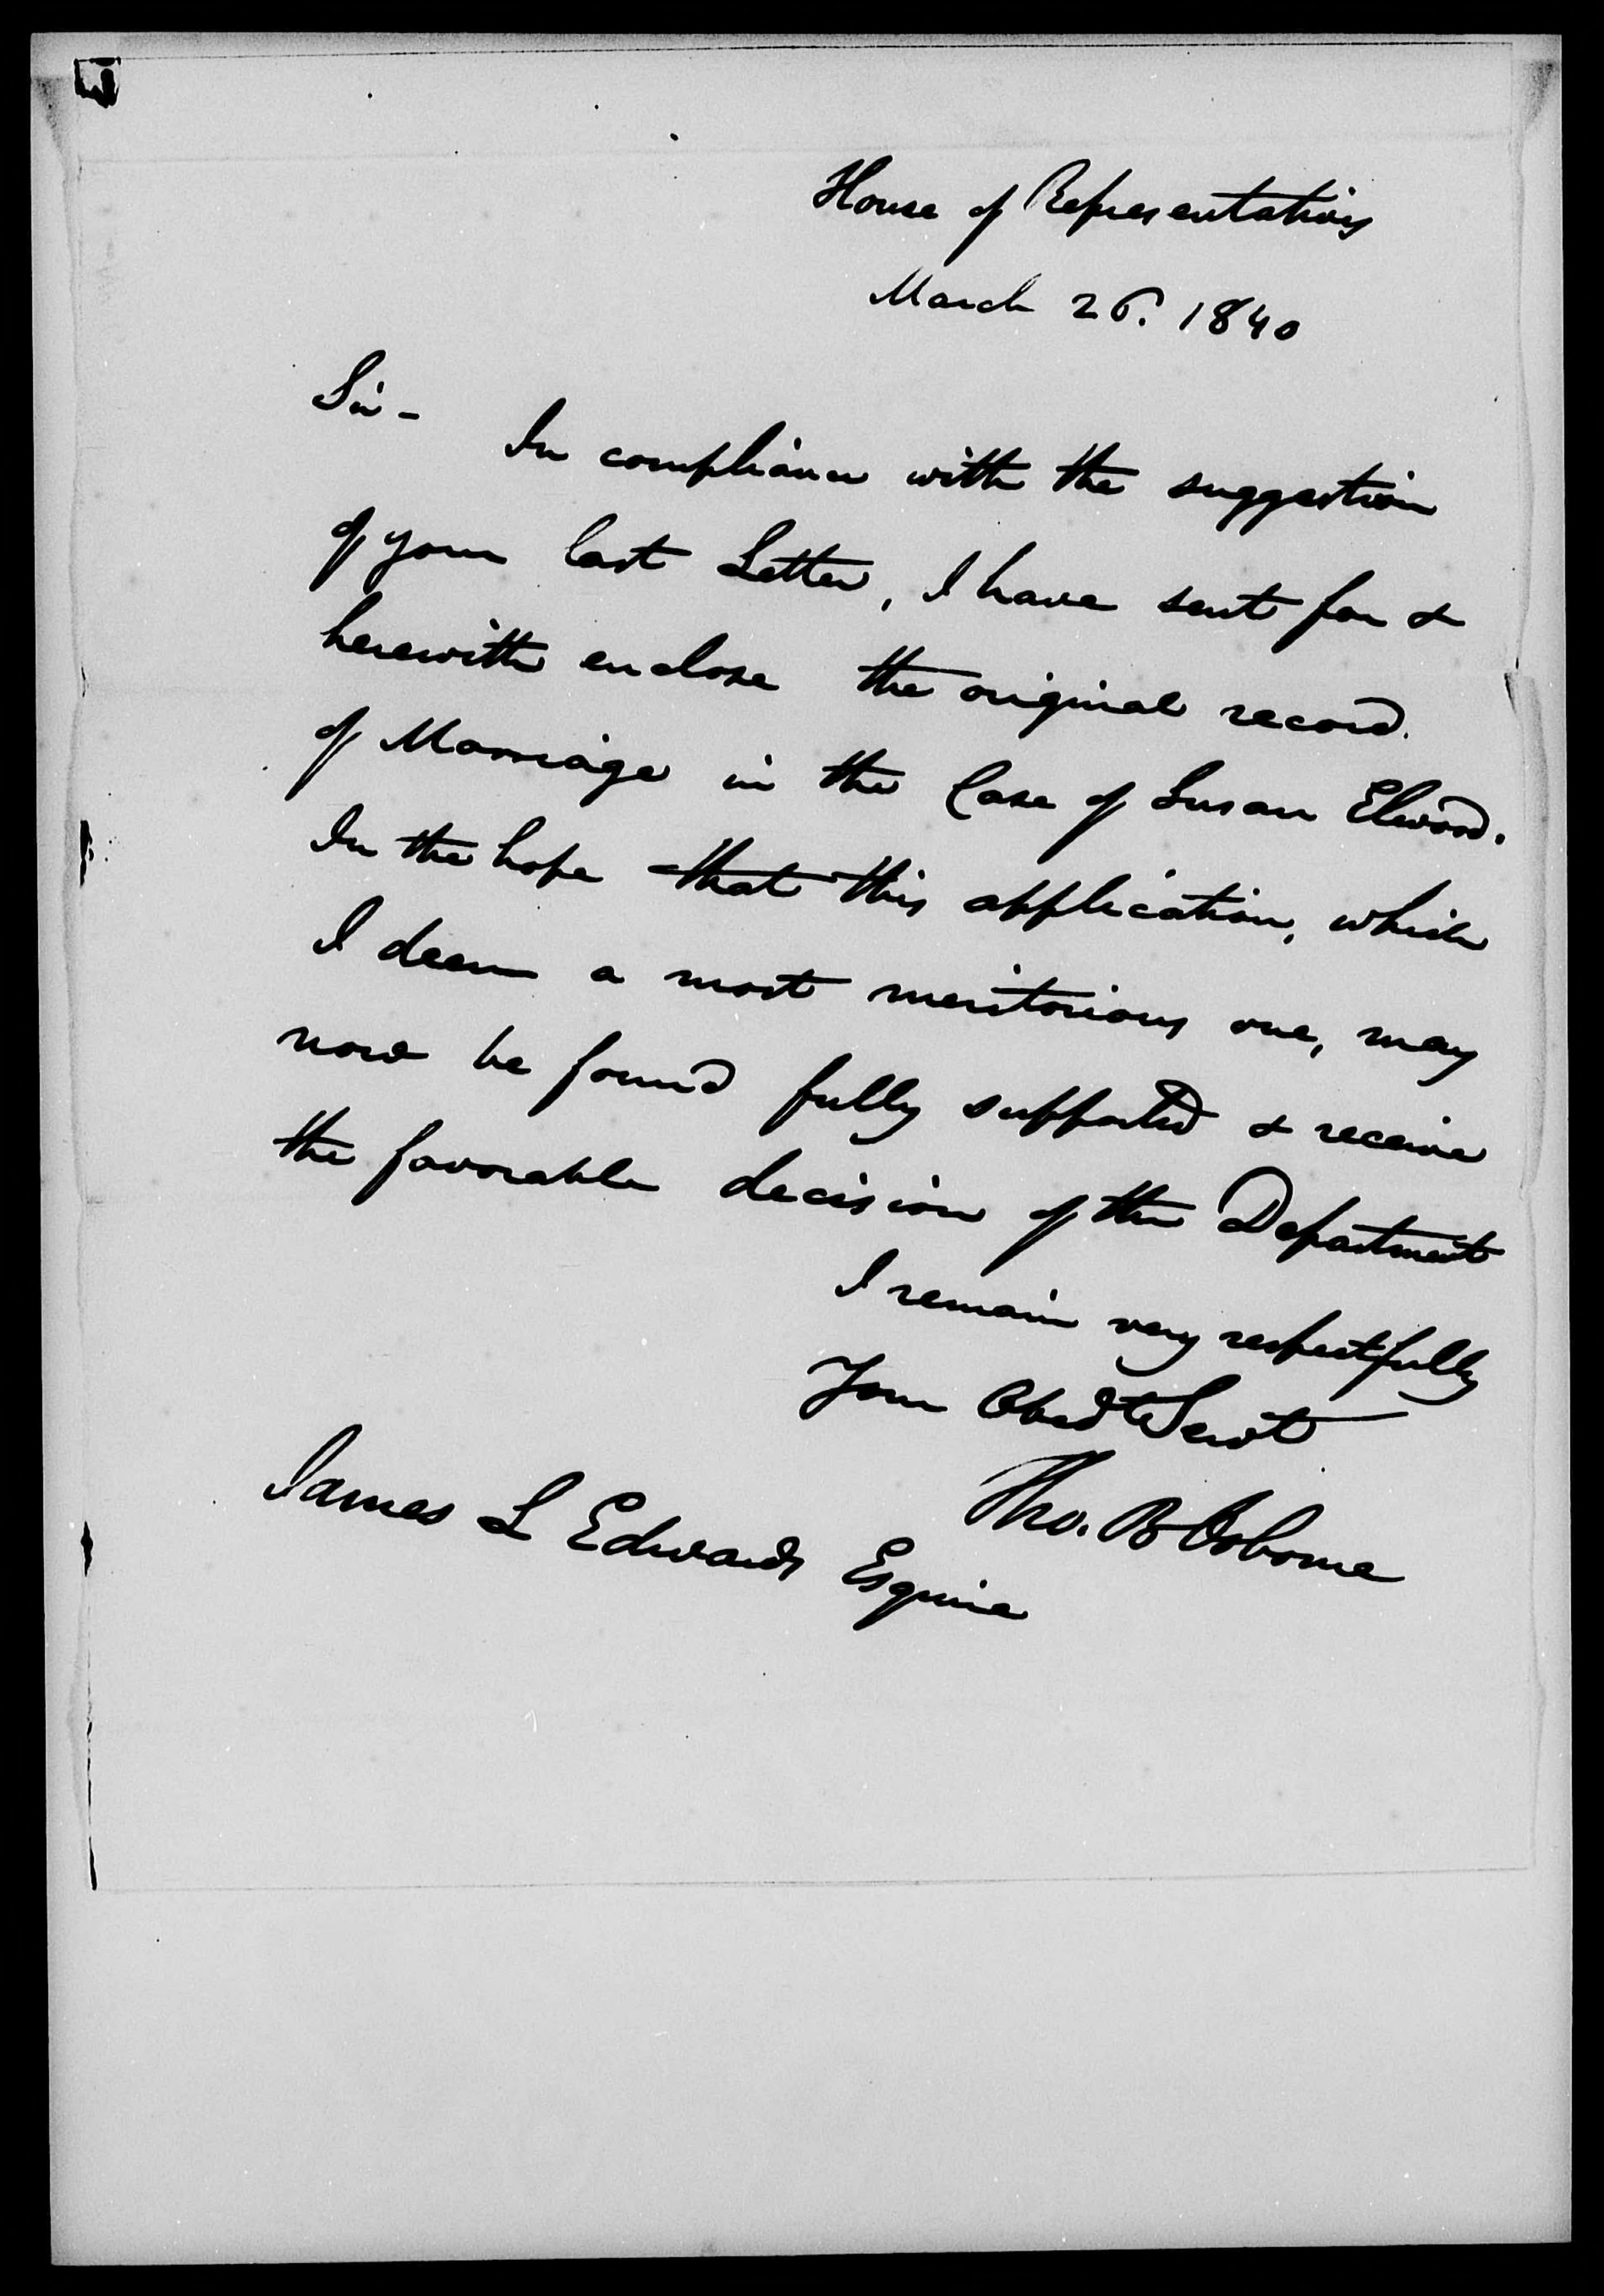House of Representatives
March 26, 1840

Sir-

In compliance with the suggestion of your last letter, I have sent for & herewith enclose the original record of marriage in the case of Susan Elwood. In the hope that this application, which I deem a most meritorious one, may now be found fully supported & receive the favorable decision of the Department.

I remain very respectfully your obed servt

Theo B Osborne

James L Edwards Esq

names: Susan Elwood, James L Edwards, Tho B Osborne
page: 28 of 69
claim: widow's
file: W. 25562, Abijah Elwood, Conn.